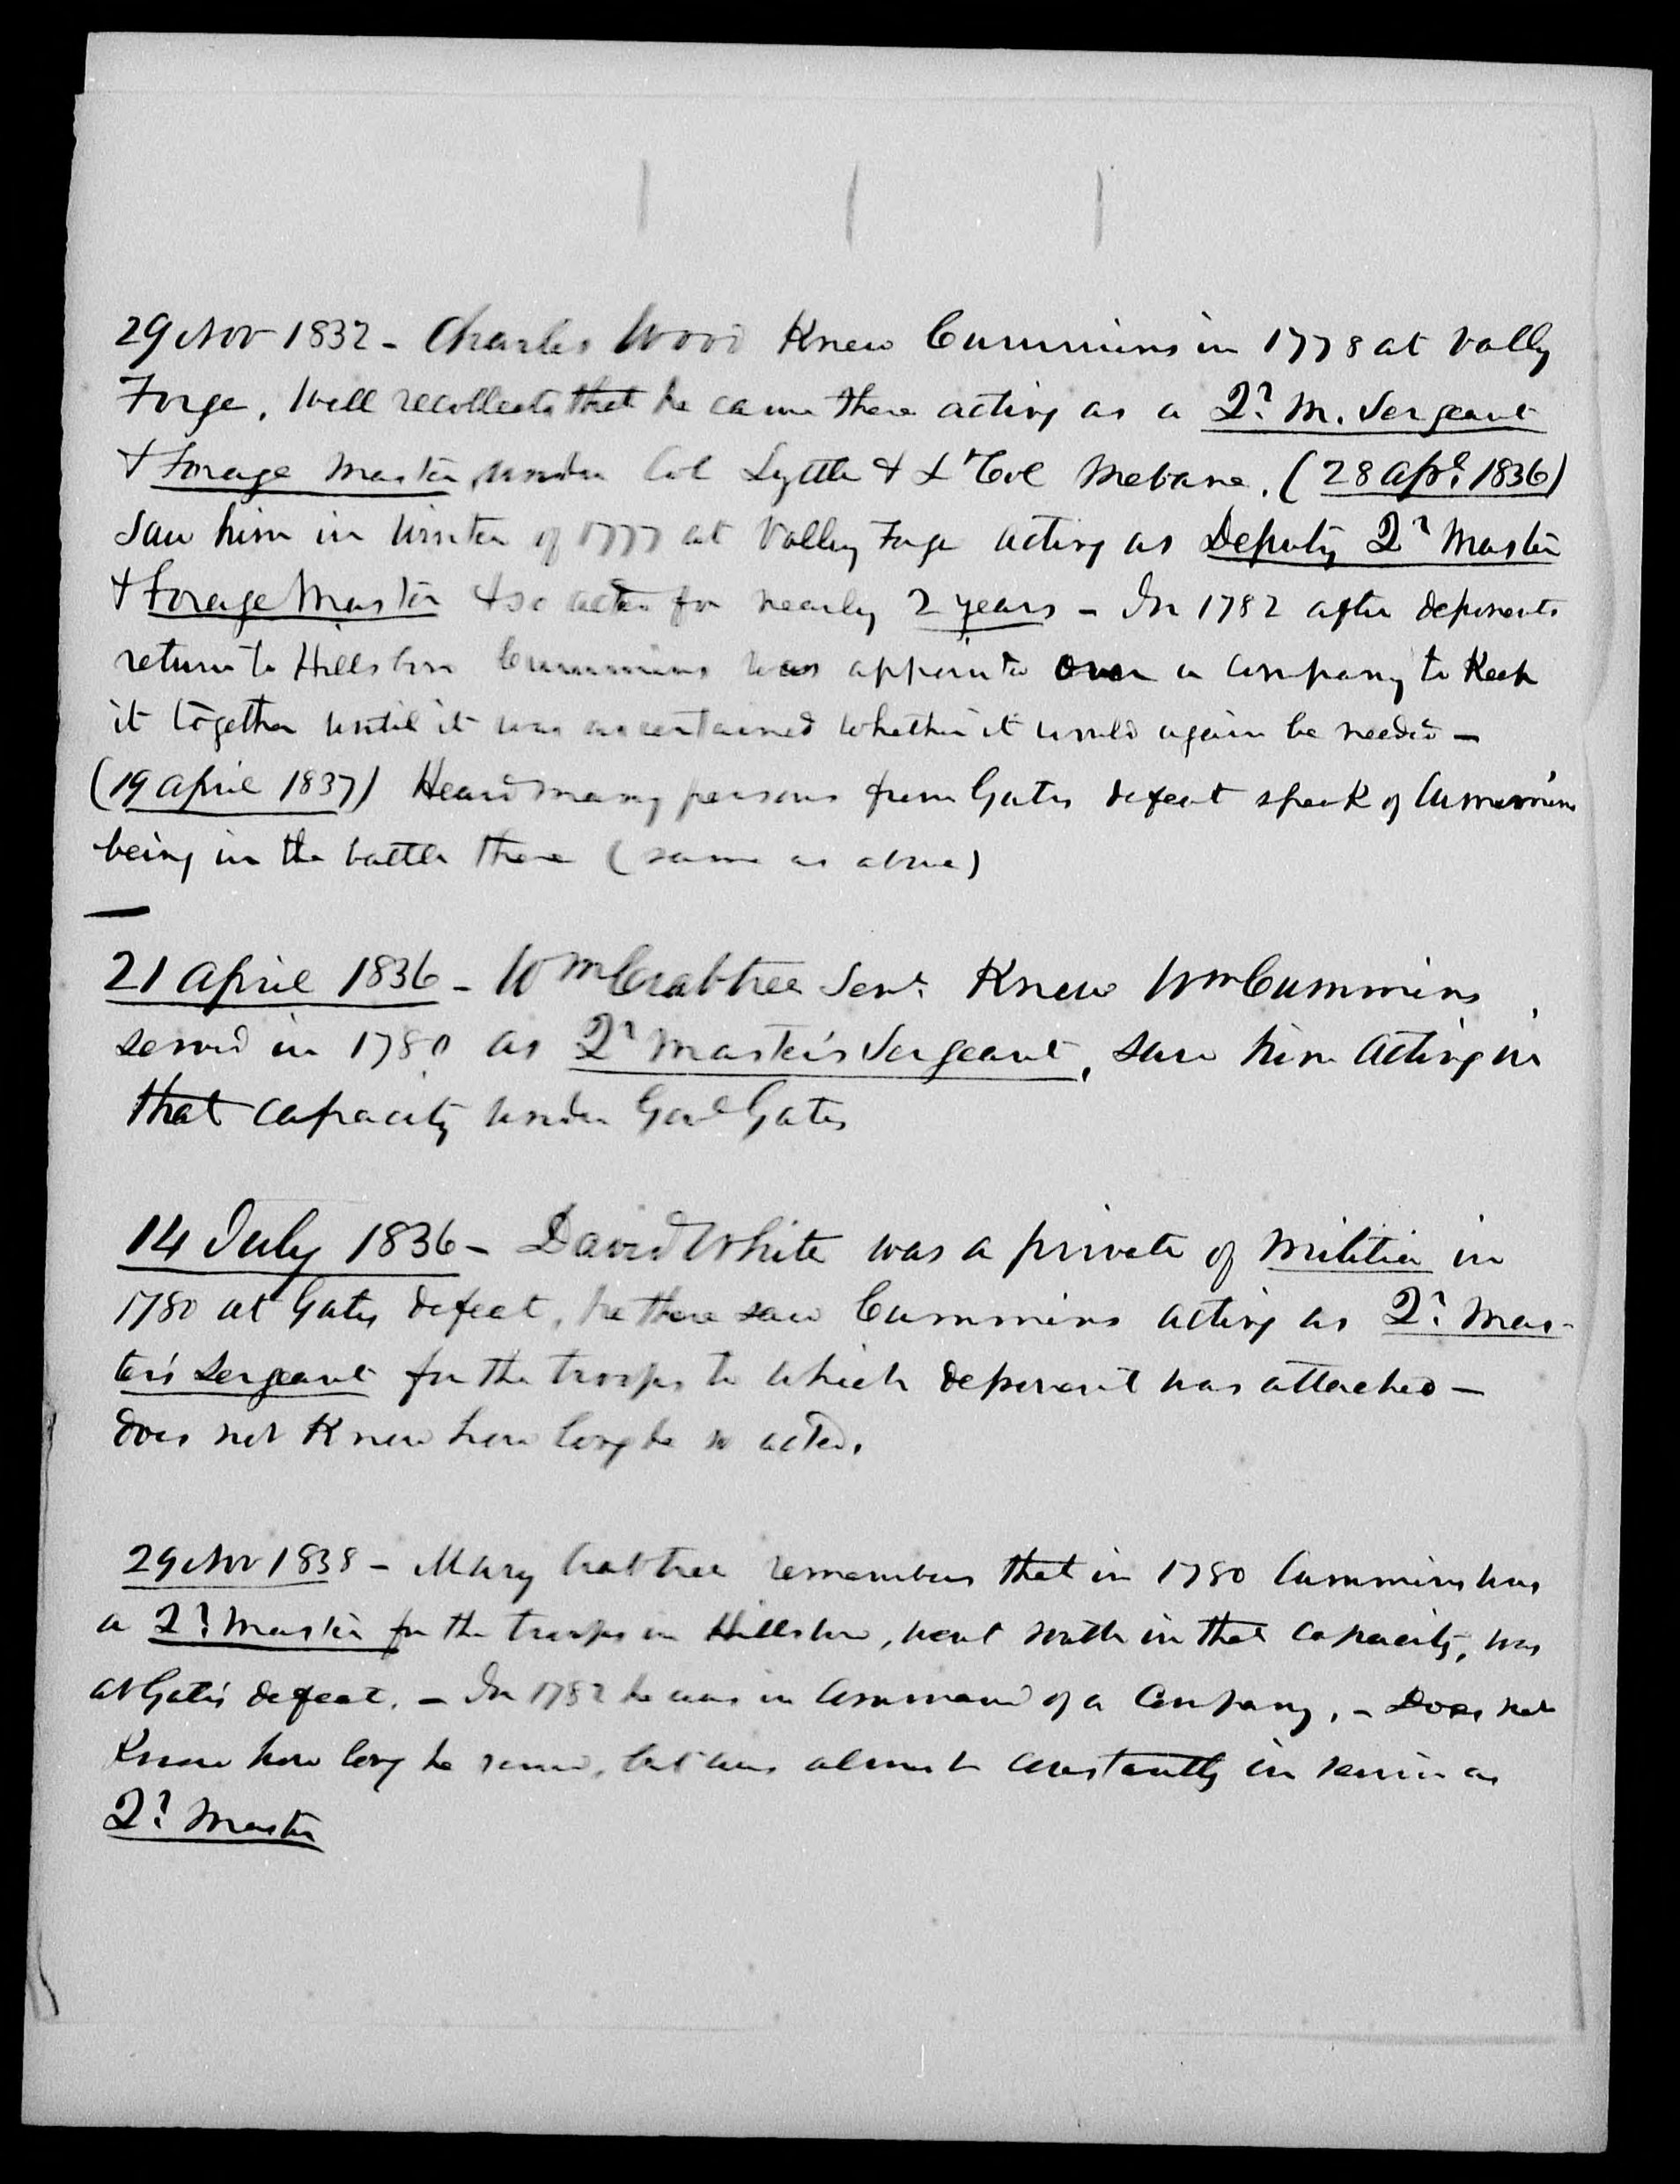[Handwritten account.  Occasional spacing has been included to make the text block easier to read.]

29 Nov 1832 - Charles Wood Knew Cummins in 1778 at Valley Forge. Well recollects that he came there acting as a [here the following rank is underlined:] Qr. M. [Quarter Master] Sergeant and [the next two words are underlined] Forage Master, under Col Lyttle and and Col {Colonel] Mebane.

[Here the following date is underlined:] (28 Apr. 1836) saw him in Winter of 1777 at Valley Forge acting as [the following two ranks are underlined:]  Deputy Qr [Quarter] Master and Forage Master and so acted for nearly [here the time frame is underlined:] 2 years - 

In 1782 after deponents [deponent's] return to Hillsboro  Cummins was appointed over a company to keep it together until it was ascertained whether it would again be needed - 

(19 April 1837) Heard many persons from Gates defeat speak of Cummins being in the battle there (same as above) -

[The following date is underlined:] 21 April 1836 - Wm Crabtree Senr. Knew Wm Cummins served in 1780 as [here the following rank is underlined:] Qr {Quarter] Master's Sergeant, saw him acting in that capacity under Genl [General] Gates

14 July 1836 - David White was a private of [the following word is underlined] Militia in 1780 at Gates defeat, he there saw Cummins acting as [here the following rank is underlined:] Qr. [Quarter] Master's Sergeant for the troops to which deponent was attached - does not Know how long he so acted.

[The following date is underlined:] 29 Nov 1838 - Mary Crabtree remembers that in 1780 Cummins was a [here the following rank was underlined:] Q ! Master [? Quarter Master] for the troops in Hillsboro, went North in that capacity, was at Gates' defeat. - In 1782 he was in Command of a Company,- Does not know how long he served, but was almost constantly in service as [here the following rank is underlined:] Q ! [? Quarter] Master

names: Cummins, David White, Cummins, Cummins, Mary Crabtree, Charles Wood, Wm Cummins, Gates, Wm Crabtree, Cummins, Lyttle, Gates, Mc Cane, Cummins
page: 56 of 145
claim: survivor's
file: S. 8265, William Cumming, N.C.